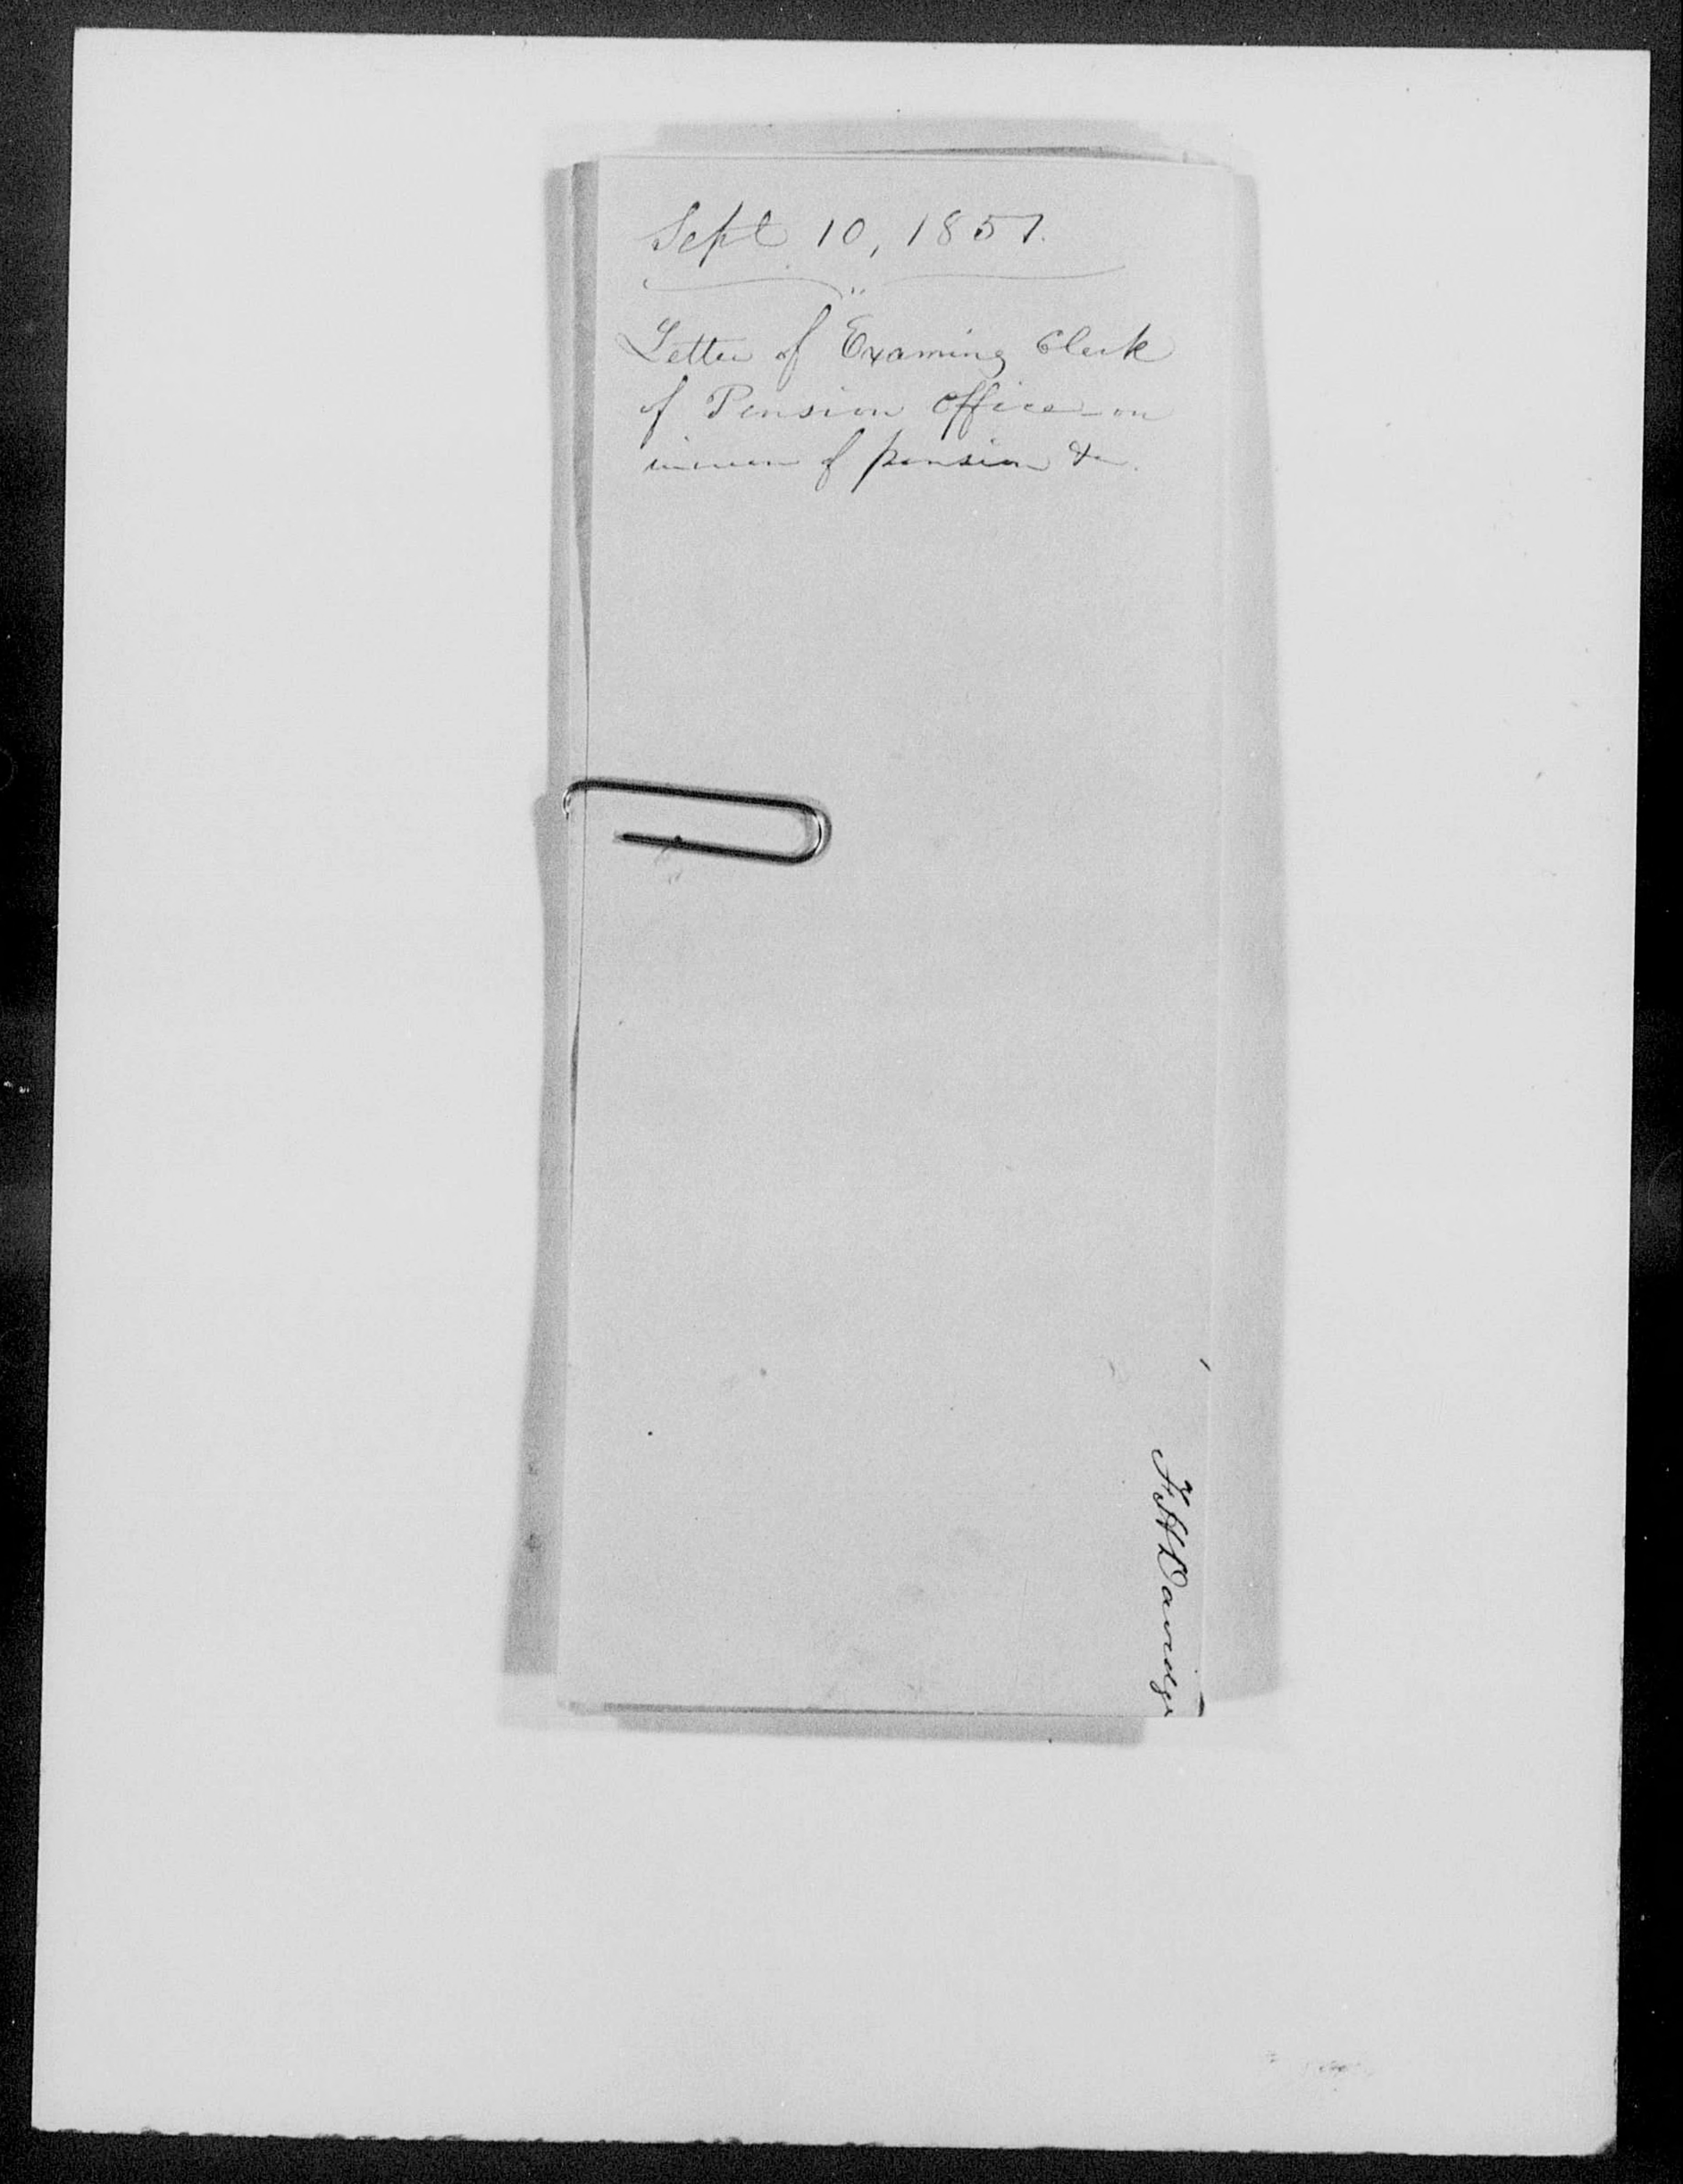Sept 10, 1857
Letter of Examining Clerk
of Pension office on
income of pension &c.

F H Davidge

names: F H Davidge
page: 181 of 267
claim: widow's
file: W. 4,149, William Campbell, Va.